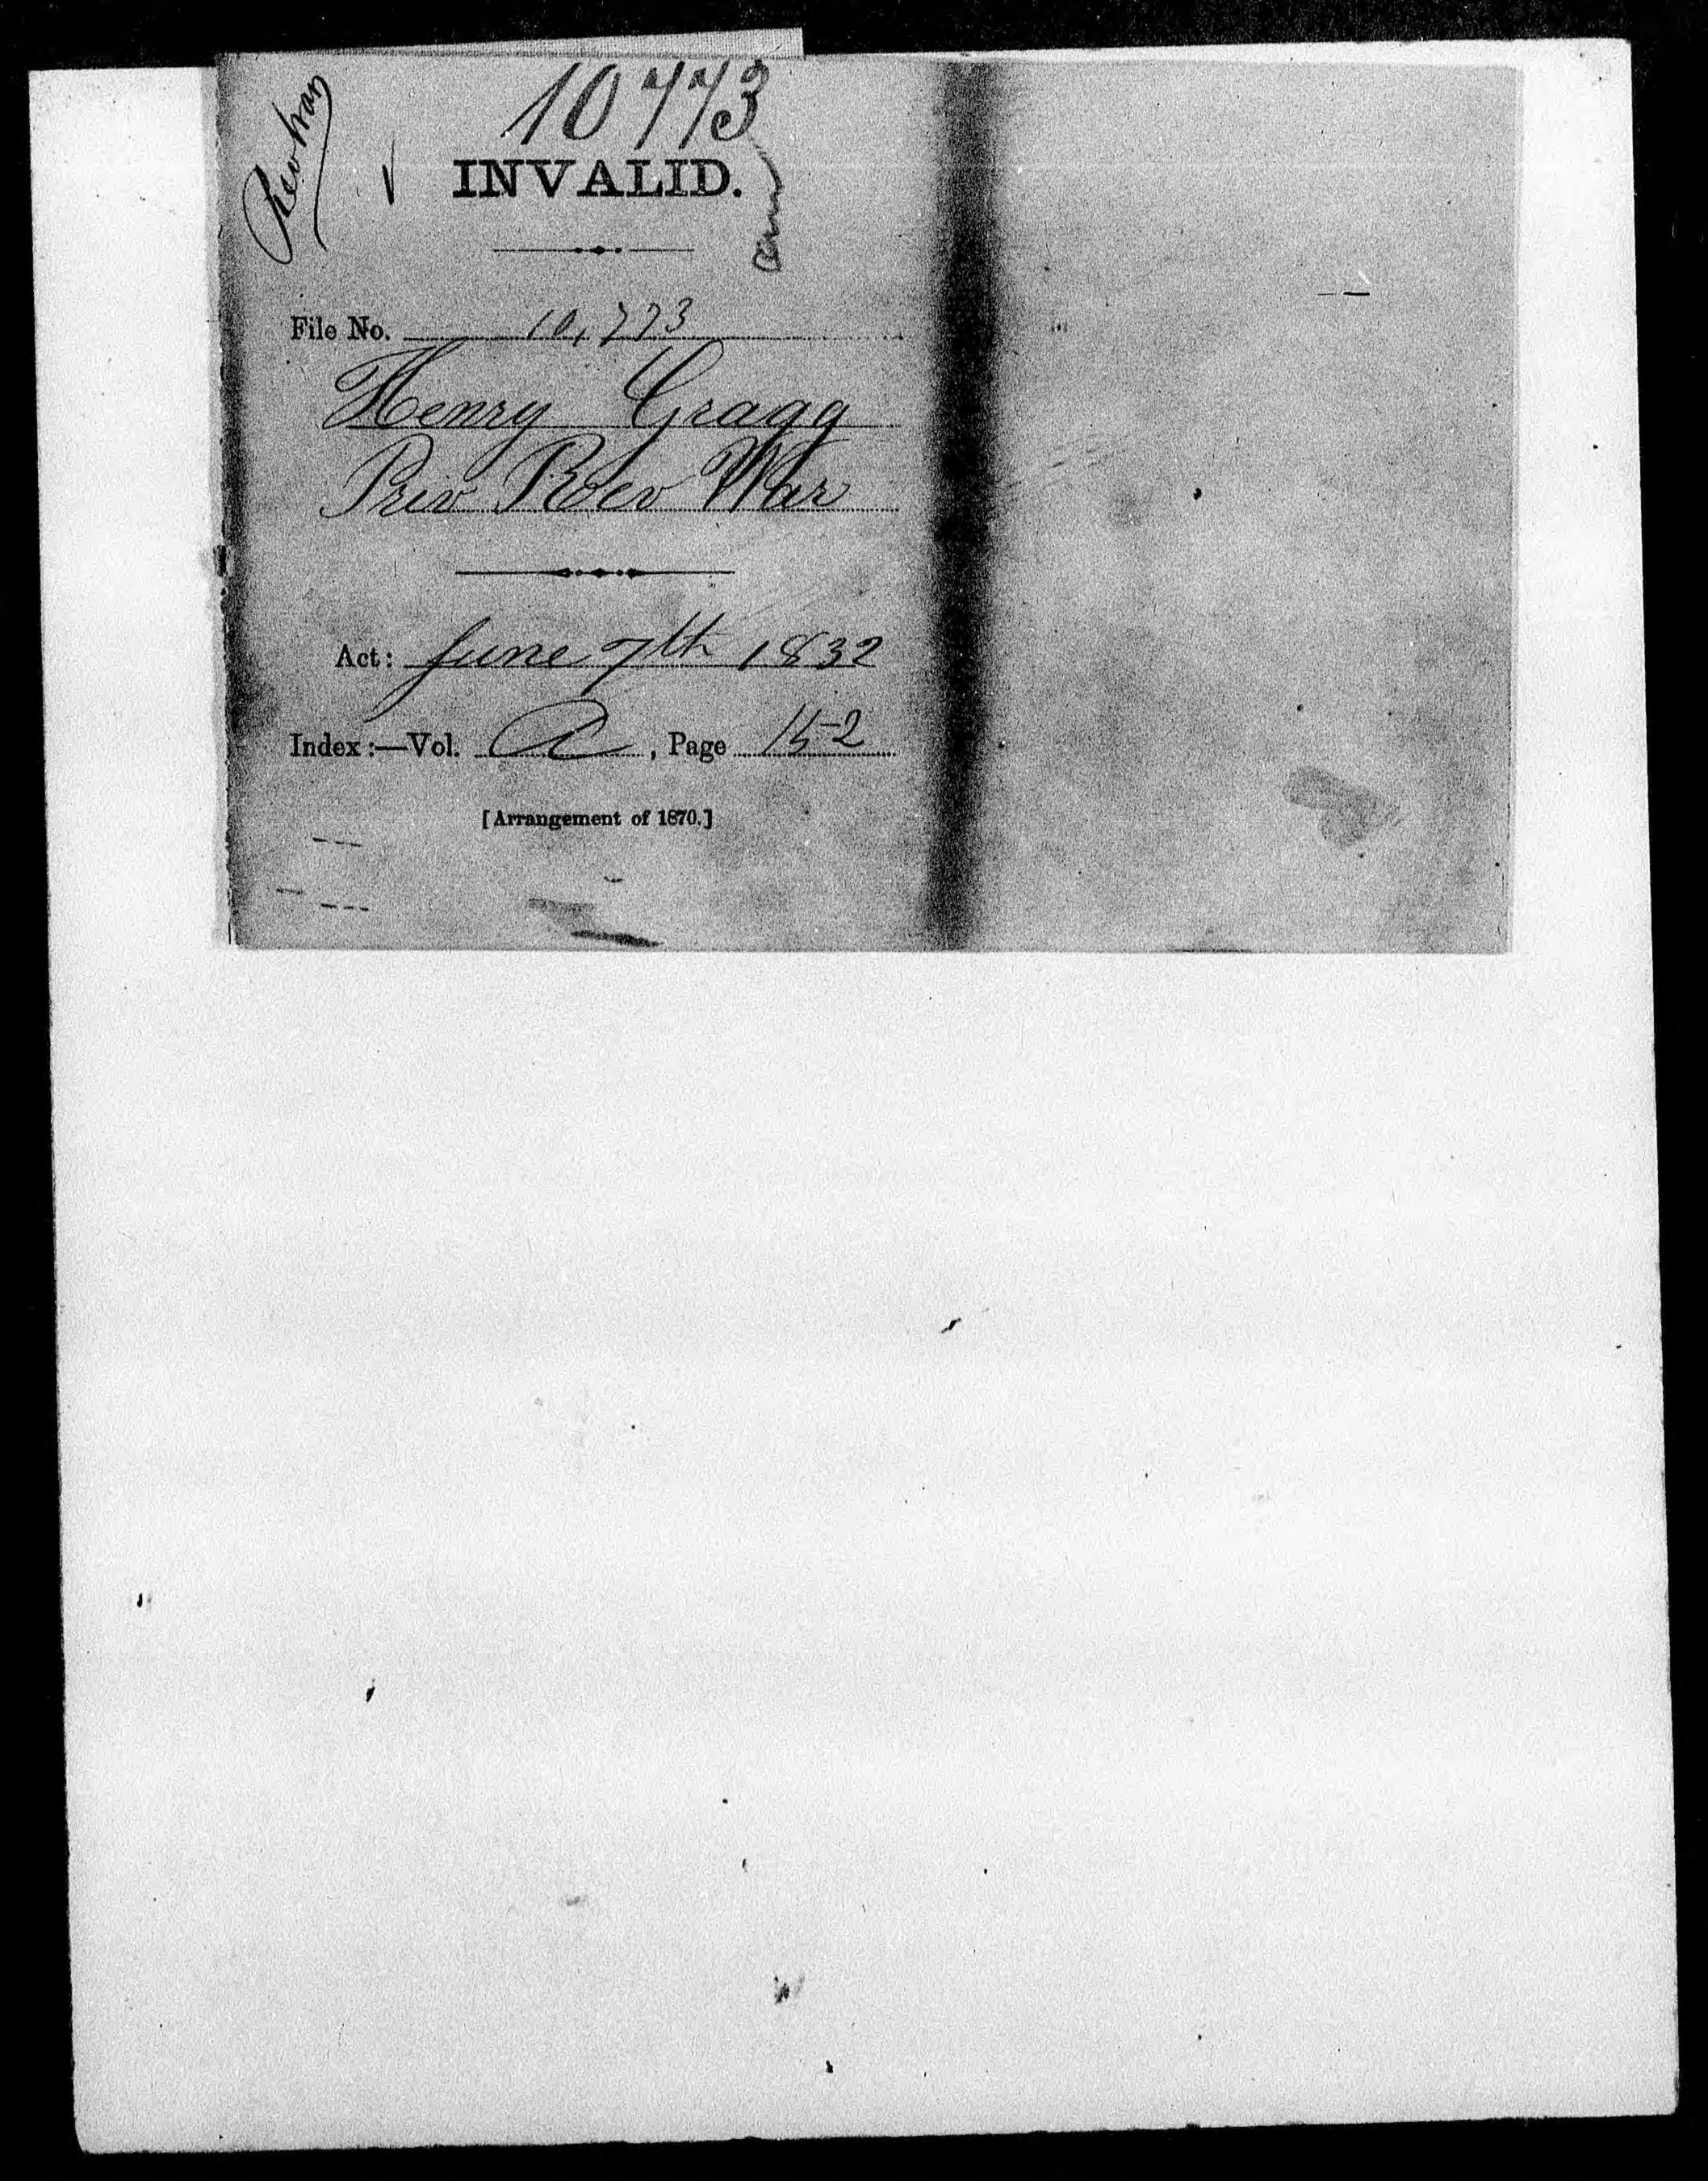Rev War.   10773
INVALID

File No 10,773
Henry Gragg
Priv Rev War

Act: June 7th 1832
Index:- Vol. A , Page 152

[Arrangement of 1870]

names: Henry Gragg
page: 9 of 18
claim: survivor's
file: S. 10,773, Henry Gragg, S.C.